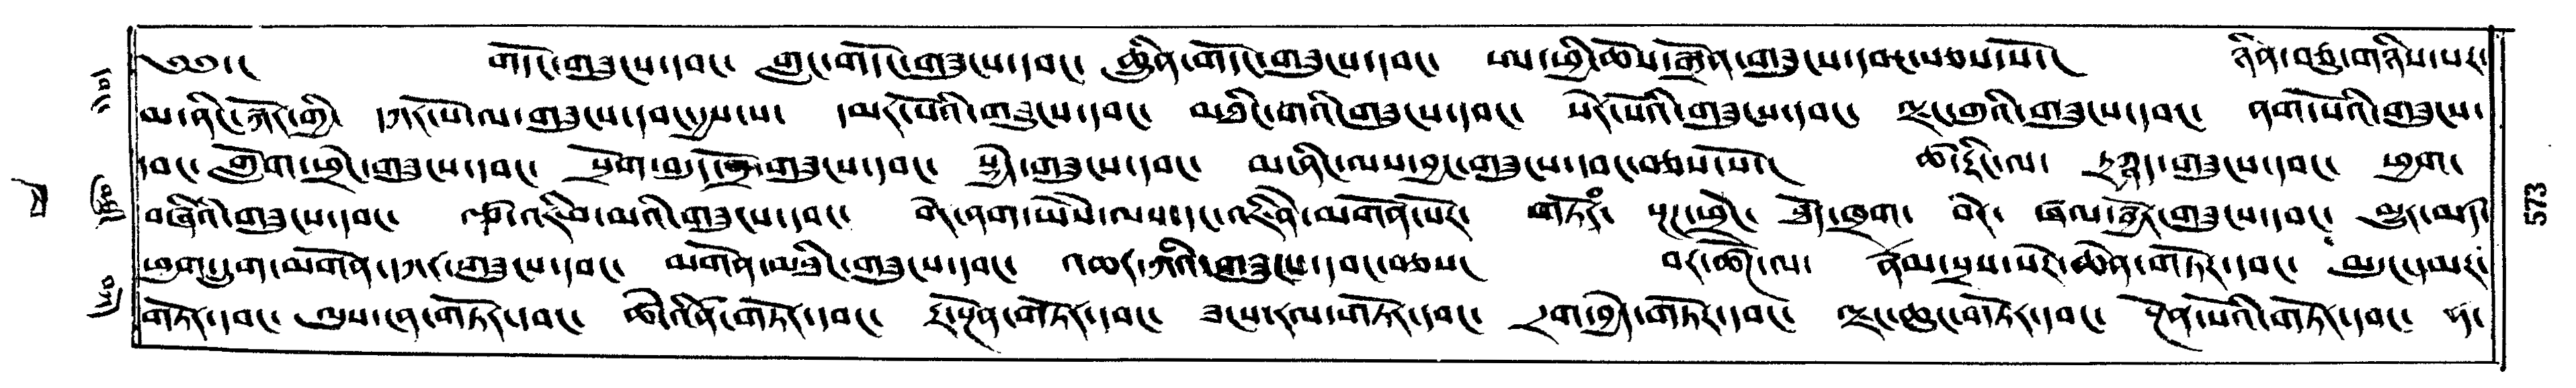གདོང་གཟུངས་དབང་། གླང་གདོང་གཟུངས་དབང་། ཆུ་སྲིན་གདོང་གཟུངས་དབང་།ཨ་ཕྱི་ཆོས་སྒྲོན་གཟུངས་དབང་བཅས་སོ།། ཉིན་བཅུ་གཉིས་པར་
མ་ནིང་སྐོར་གྱི། དཀར་པོ་ལ་གཟུངས་དབང་རྒྱས་པ། དམར་པོའི་གཟུངས་དབང་། མཐིང་གའི་གཟུངས་དབང་། སེར་པོའི་གཟུངས་དབང་། ལྗང་གུའི་གཟུངས་དབང་། ནག་པོའི་གཟུངས་
དབང་། གློག་ཕྲེང་གཟུངས་དབང་། སྲོག་བདུད་གཟུངས་དབང་། སྡེ་བརྒྱད་གཟུངས་དབང་། མ་ནིང་ལས་བྱང་གཟུངས་དབང་བཅས་སོ།། ཚ་རྟིང་ལ། ཏྲཀྴད་གཟུངས་དབང་། ཕྱག་
བཞིའི་གཟུངས་དབང་། རྩ་འཇིབ་མའི་གཟུངས་དབང་། བེར་ནག་ཡེ་ཤེས་ལས་དང་འཇིག་རྟེན་མགོན་པོར། གཏོར་མ། སྔགས་ཕྲེང་། ཐོད་ཁྲག བེར། ཞལ་སྦྱོར་གཟུངས་དབང་། མྱུར་མཛད་
ཕྱག་དྲུག་མགོན་དཀར་གཟུངས་དབང་། མགོན་མཐིང་གཟུངས་དབང་། འཆར་ཀའི་གཟུངས་དབང་བཅས། བར་ཚོགས་ལ། རྣམ་སྲས་སེར་ཆེན་གཏོར་དབང་། མདུང་དམར་
གཏོར་དབང་། ལུས་ངན་གཏོར་དབང་། ཚེ་འཛིན་གཏོར་དབང་། རྟ་སྔོན་གཏོར་དབང་། ཟངས་རལ་གཏོར་དབང་། དྲག་བྱེད་གཏོར་དབང་། ལྗང་ཆུང་གཏོར་དབང་། སྔོན་པའི་གཏོར་དབང་། ཧ་